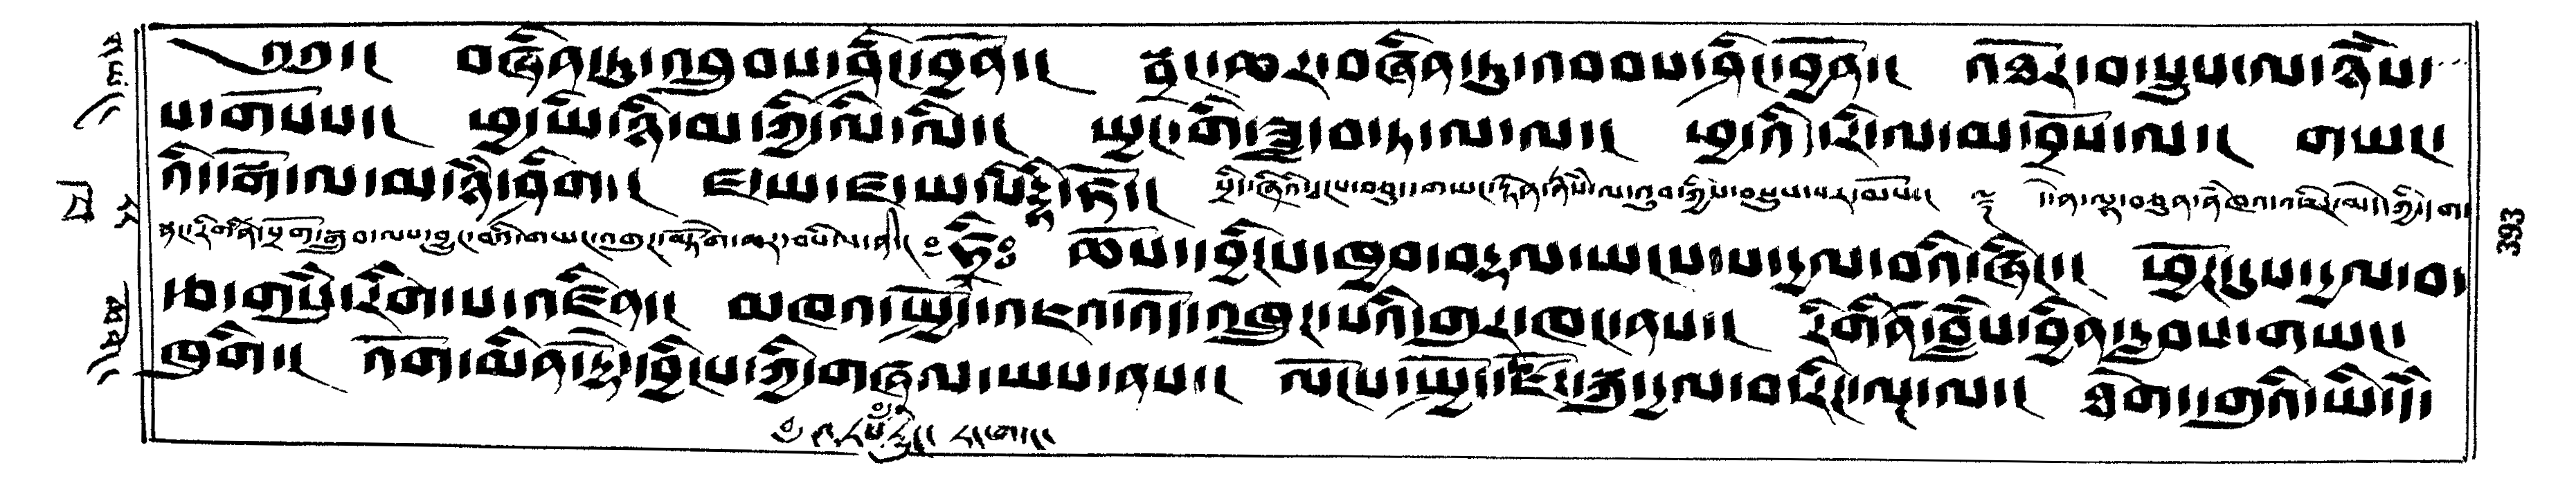བཞིན་ཏུ་འབྲུབས་ཤིང་བྱོན། །སྦང་ཆར་བཞིན་ཏུ་འབབས་ཤིང་བྱོན། །འཐོར་བསྡུས་ལ་ཉམས་
པ་གསོས། །ཕྱྭ་ཡི་ཉི་མ་ཀྱི་ལི་ལི། །གཡང་གི་ཟླ་བ་ཏ་ལ་ལ། །ཕྱྭ་འདིར་ལ་མ་བྲོས་ལ། །གཡང་
འདི་སྒོ་ལ་མ་ཉམས་ཤིག །ཛ་ཡ་ཛ་ཡ་སིདྡྷི་ཧོ། ། སྲིད་ཞིའི་དྭངས་བཅུད་གཡང་རྟེན་རྣམས་ལ་འུབ་ཀྱིས་བསྡུས་པར་མོས། ༈ དེ་ནས་ལྷ་བཙུན་ནམ་མཁའ་འཇིགས་མེད་ཀྱི་དག་
སྣང་རིག་འཛིན་སྲོག་སྒྲུབ་ལས་བྱུང་བའི་གཡང་འགུགས་མེ་ཏོག་ཆར་བསིལ་ནི། ཧྲཱིཿ ཆོས་དབྱིངས་ཁྱབ་བརྡལ་ཡངས་པ་རྒྱལ་བའི་ཞིང་། ཕྱོགས་དུས་རྒྱལ་བ་
རྩ་གསུམ་རིག་པ་འཛིན། །མཁའ་སྤྱོད་འཇའ་འོད་འཁྲུགས་པའི་གུར་ཁང་ནས། །རིག་འཛིན་བླ་མས་བྱིན་རླབས་གཡང་
ཁུག་ཅིག འོག་མིན་རྡོ་རྗེ་དབྱིངས་ཀྱི་གཞལ་ཡས་ནས། ལོངས་སྤྱོད་རྫོགས་སྐུ་རྒྱལ་བ་རིགས་ལྔ་ལ། །ཐེག་དགུའི་ཡི་དམ་